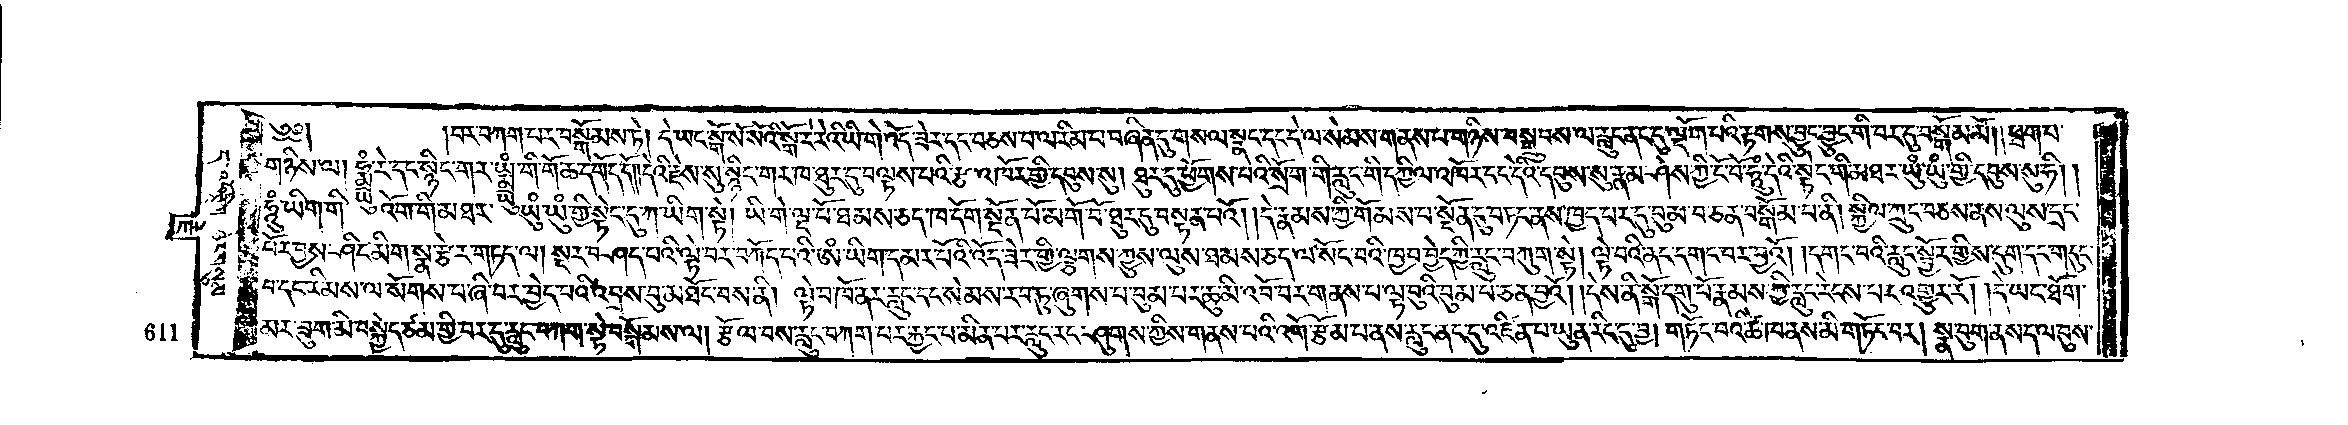༄༅། །བར་བཀག་པར་བསྒོམས་ཏེ། དེ་ཡང་སྒོ་སོ་སོའི་སྒོ་རེ་རེའི་ཡི་གེ་འོད་ཟེར་དང་བཅས་པ་ལ་རིམ་པ་བཞིན་དུ་གསལ་སྣང་དང་དེ་ལ་སེམས་གནས་པ་གཉིས་བསྒྲུབས་ལ་རླུང་ནང་དུ་ལྡོག་པའི་རྟགས་བྱུང་བྱུང་གི་བར་དུ་བསྒོམ་མོ། །ཕྲག་པ་
གཉིས་ལ། ཧྨྲྱུཾ་རེ་དང་སྙིང་གར་ཡྨྲྱུཾ་གི་གོ་ཆ་དགོད་དོ། །དེའི་རྗེས་སུ་སྙིང་གར་ཁ་ཐུར་དུ་བལྟས་པའི་རྩ་འཁོར་གྱི་དབུས་སུ། ཐུར་དུ་ཕྱོགས་པའི་སྲོག་གི་རླུང་གི་དཀྱིལ་འཁོར་དང་དེའི་དབུས་སུ་རྣམ་ཤེས་ཀྱི་ངོ་བོ་ཧཱུཾ་དེའི་སྟེང་གི་མཐར་ཡུཾ་ཡུཾ་གྱི་དབུས་སུ་ཧི།།
ཧཱུཾ་ཡིག་གི་འོག་ཏུ་མཐར་ཡུཾ་ཡུཾ་གྱི་སྟེང་དུ་ཀ་ཡིག་སྟེ། ཡི་གེ་ལྔ་པོ་ཐམས་ཅད་ཁ་དོག་སྔོན་པོ་མགོ་བོ་ཐུར་དུ་བསྟན་པའོ། །དེ་རྣམས་ཀྱི་གོམས་པ་སྔོན་དུ་བཏང་ནས་ཁྱད་པར་དུ་བུམ་པ་ཅན་བསྒོམ་པ་ནི། སྐྱིལ་ཀྲུང་བཅས་ནས་ལུས་དྲང་
པོར་བྱས་ཤིང་མིག་སྣ་རྩེར་གཏད་ལ། སྔར་བཤད་པའི་ལྟེ་བར་བཀོད་པའི་ཨཾ་ཡིག་དམར་པོའི་འོད་ཟེར་གྱི་ལྕགས་ཀྱུས་ལུས་ཐམས་ཅད་ལ་སོང་བའི་ཁྱབ་བྱེད་ཀྱི་རླུང་བཀུག་སྟེ། ལྟེ་བའི་ནང་དགང་བར་བྱའོ། །དགང་བའི་རླུང་སྦྱོར་གྱིས་དུག་དང་གདུང་
བ་དང་རིམས་ལ་སོགས་པ་ཞི་བར་བྱེད་པའི་འབྲས་བུ་མཐོང་བས་ནི། ལྟེ་བ་ཁོ་ནར་རླུང་དང་སེམས་རབ་ཏུ་ཞུགས་པ་བུམ་པར་ཆུ་མི་འབོ་བར་གནས་པ་ལྟ་བུའི་བུམ་པ་ཅན་བྱའོ། །དེས་ནི་སྒོ་དགུ་པོ་རྣམས་ཀྱི་རླུང་རེངས་པར་འགྱུར་རོ། །དེ་ཡང་ཐོག་
མར་ཟུག་མི་བསྐྱེད་ཙམ་གྱི་བར་དུ་རླུང་བཀག་སྟེ་བསྒོམས་ལ། རྩོལ་བས་རླུང་བཀག་པར་རྐྱང་བ་མིན་པར་རླུང་རང་ཤུགས་ཀྱིས་གནས་པའི་འགོ་རྩོམ་པ་ནས་རླུང་ནང་དུ་འཛིན་པ་ཡུན་རིང་དུ་བྱ། གཏོང་བའི་ཚེ་ཁ་ནས་མི་གཏོང་བར། སྣ་བུག་ནས་དལ་བུས་